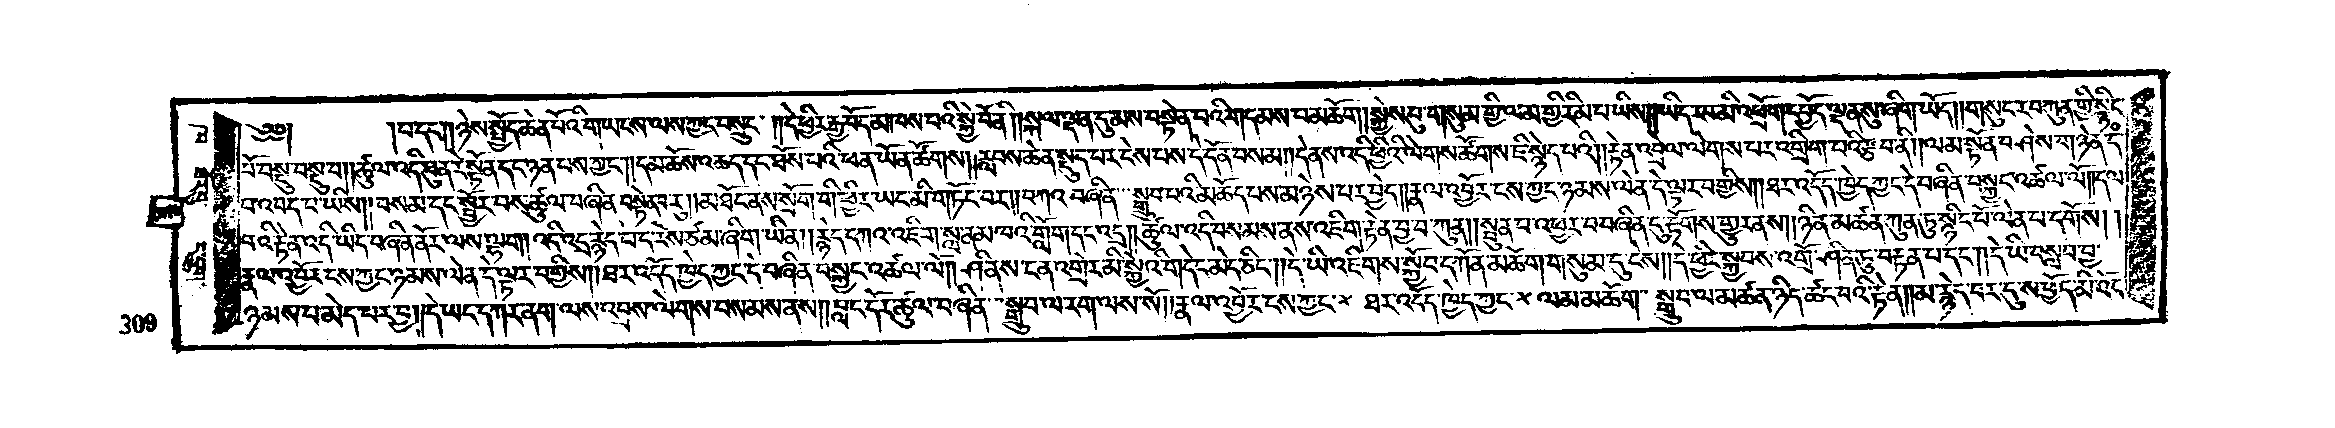༄༅། །པ་དང་། །ཉེས་སྤྱོད་ཆེན་པོའི་གཡང་ས་ལས་ཀྱང་བསྲུང་། །དེ་ཕྱིར་རྒྱ་བོད་མཁས་པའི་སྐྱེ་བོ་ནི། །སྐལ་ལྡན་དུ་མས་བསྟེན་པའི་གདམས་པ་མཆོག །སྐྱེས་བུ་གསུམ་གྱི་ལམ་གྱི་རིམ་པ་ཡིས། །ཡིད་རབ་མི་འཕྲོག་དཔྱོད་ལྡན་སུ་ཞིག་ཡོད། །གསུང་རབ་ཀུན་གྱི་སྙིང་
པོ་བསྡུ་བསྡུ་བ། །ཚུལ་འདི་ཐུན་རེ་སྟོན་དང་ཉན་པས་ཀྱང་། །དམ་ཆོས་འཆད་དང་ཐོས་པའི་ཕན་ཡོན་ཚོགས། །རླབས་ཆེན་སྡུད་པར་ངེས་པས་དེ་དོན་བསམ། །དེ་ནས་འདི་ཕྱིའི་ལེགས་ཚོགས་ཇི་སྙེད་པའི། །རྟེན་འབྲེལ་ལེགས་པར་འགྲིག་པའི་རྩ་བ་ནི། །ལམ་སྟོན་བཤེས་གཉེན་དཾ་
པ་འབད་པ་ཡིས། །བསམ་དང་སྦྱོར་བས་ཚུལ་བཞིན་བསྟེན་པ་རུ། །མཐོང་ནས་སྲོག་གི་ཕྱིར་ཡང་མི་གཏོང་བར། །བཀའ་བཞིན་སྒྲུབ་པའི་མཆོད་པས་མཉེས་པར་བྱེད། །རྣལ་འབྱོར་ངས་ཀྱང་ཉམས་ལེན་དེ་ལྟར་བགྱིས། །ཐར་འདོད་ཁྱེད་ཀྱང་དེ་བཞིན་བསྐྱང་འཚལ་ལོ། །དལ་
བའི་རྟེན་འདི་ཡིད་བཞིན་ནོར་ལས་ལྷག །འདི་འདྲ་རྙེད་པ་ད་རེས་ཙམ་ཞིག་ཡིན། །རྙེད་དཀའ་འཇིག་སླ་ནམ་མཁའི་གློག་དང་འདྲ། །ཚུལ་འདི་བསམས་ནས་འཇིག་རྟེན་བྱ་བ་ཀུན། །སྦུན་པ་འཕྱར་བ་བཞིན་དུ་རྟོགས་གྱུར་ནས། །ཉིན་མཚན་ཀུན་ཏུ་སྙིང་པོ་ལེན་པ་དགོས། །
རྣལ་འབྱོར་ངས་ཀྱང་ཉམས་ལེན་དེ་ལྟར་བགྱིས། །ཐར་འདོད་ཁྱེད་ཀྱང་དེ་བཞིན་བསྐྱང་འཚལ་ལོ། །ཤི་ནས་ངན་འགྲོར་མི་སྐྱེའི་གདེང་མེད་ཅིང་། །དེ་ཡི་འཇིགས་སྐྱོབ་དཀོན་མཆོག་གསུམ་དུ་ངེས། །དེ་ཕྱིར་སྐྱབས་འགྲོ་ཤིན་ཏུ་བརྟན་པ་དང་། །དེ་ཡི་བསླབ་བྱ་
ཉམས་པ་མེད་པར་བྱ། །དེ་ཡང་དཀར་ནག་ལས་འབྲས་ལེགས་བསམས་ནས། །བླང་དོར་ཚུལ་བཞིན་སྒྲུབ་ལ་རག་ལས་སོ། །རྣལ་འབྱོར་ངས་ཀྱང་྾་ཐར་འདོད་ཁྱེད་ཀྱང་྾་ལམ་མཆོག་སྒྲུབ་ལ་མཚན་ཉིད་ཚང་བའི་རྟེན། །མ་རྙེད་བར་དུ་ས་ཕྱོད་མི་འོང་